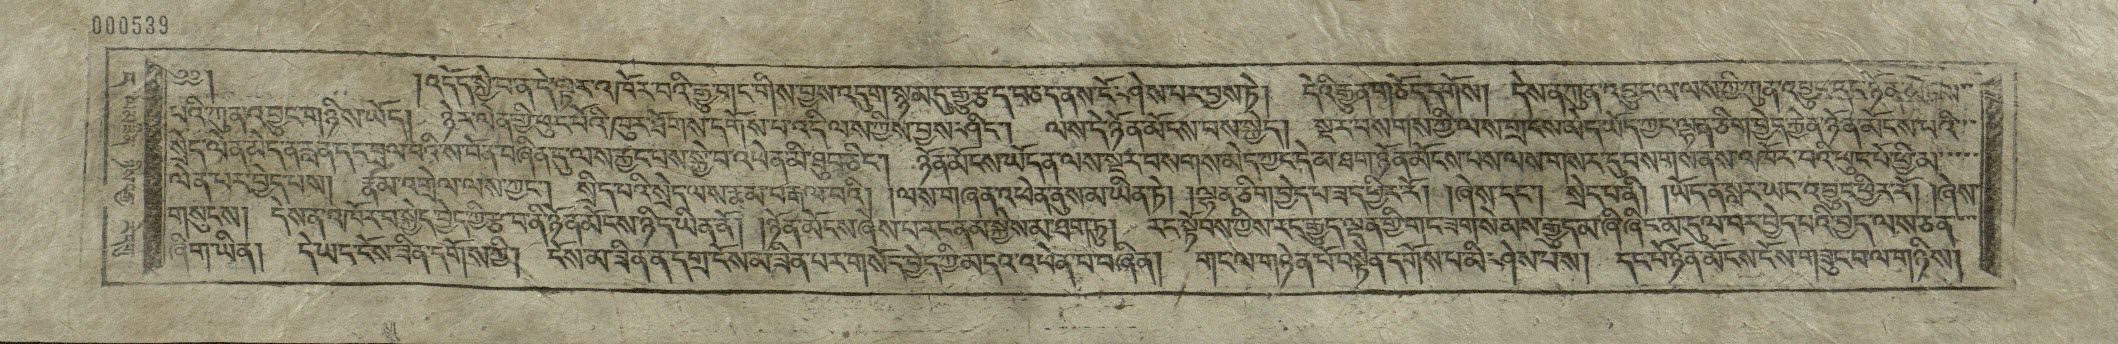༄༅། །འདོད་སྐྱེ་བ་ན་དེ་ལྟར་འཁོར་བའི་རྒྱུ་གང་གིས་བྱས་འདུག་སྙམ་དུ་རྒྱུ་རྩད་བཅད་ནས་ངོ་ཤེས་པར་བྱས་ཏེ། དེའི་རྒྱུན་གཅོད་དགོས། དེས་ན་ཀུན་འབྱུང་ལ་ལས་ཀྱི་ཀུན་འབྱུང་དང་ཉོན་མོངས་
པའི་ཀུན་འབྱུང་གཉིས་ཡོད། ཉེར་ལེན་གྱི་ཕུང་པོའི་ཁུར་ཐོགས་དགོས་པ་འདི་ལས་ཀྱིས་བྱས་ཤིང་། ལས་དེ་ཉོན་མོངས་པས་སྐྱེད། སྔར་བསགས་ཀྱི་ལས་གྲངས་མེད་ཡོད་ཀྱང་ལྷན་ཅིག་བྱེད་རྐྱེན་ཉོན་མོངས་པའི་
སྲེད་ལེན་མེད་ན་རླན་དང་བྲལ་བའི་ས་བོན་བཞིན་དུ་ལས་རྐྱང་པས་སྐྱེ་བ་འཕེན་མི་ཐུབ་ཅིང་། ཉོན་མོངས་ཡོད་ན་ལས་སྔར་བསགས་མེད་ཀྱང་དེ་མ་ཐག་ཉོན་མོངས་པས་ལས་གསར་དུ་བསགས་ནས་འཁོར་བའི་ཕུང་པོ་ཕྱི་མ་
ལེན་པར་བྱེད་པས། རྣམ་འགྲེལ་ལས་ཀྱང་། སྲིད་པའི་སྲེད་ལས་རྣམ་བརྒལ་བའི། །ལས་གཞན་འཕེན་ནུས་མ་ཡིན་ཏེ། །ལྷན་ཅིག་བྱེད་པ་ཟད་ཕྱིར་རོ། །ཞེས་དང་། སྲེད་པ་ནི། །ཡོད་ན་སླར་ཡང་འབྱུང་ཕྱིར་རོ། །ཞེས་
གསུངས། དེས་ན་འཁོར་བ་སྐྱེད་བྱེད་ཀྱི་རྩ་བ་ནི་ཉོན་མོངས་ཉིད་ཡིན་ནོ། །ཉོན་མོངས་ཞེས་པ་རང་ནམ་སྐྱེས་མ་ཐག་ཏུ། རང་སྟོབས་ཀྱིས་རང་རྒྱུད་ལྡན་གྱི་གང་ཟག་སེམས་རྒྱུད་མ་ཞི་ཞིང་མ་དུལ་བར་བྱེད་པའི་བྱེད་ལས་ཅན་
ཞིག་ཡིན། དེ་ཡང་ངོས་ཟིན་དགོས་ཀྱི། ངོས་མ་ཟིན་ན་དགྲ་ངོས་མ་ཟིན་པར་གསོད་བྱེད་ཀྱི་མདའ་འཕེན་པ་བཞིན། གང་ལ་གཉེན་པོ་བསྟེན་དགོས་པ་མི་ཤེས་པས། དང་པོ་ཉོན་མོངས་ངོས་གཟུང་བ་ལ་གཉིས།